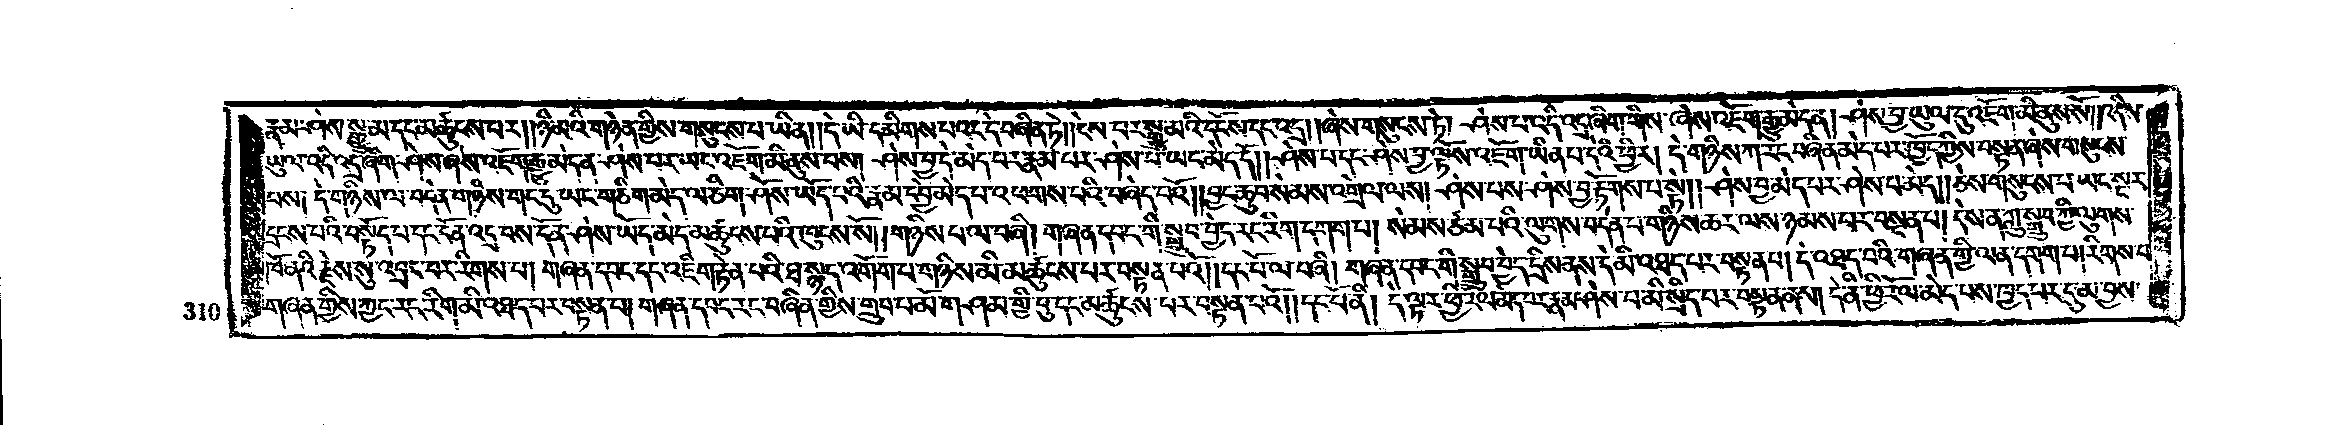རྣམ་ཤེས་སྒྱུ་མ་དང་མཚུངས་པར། །ཉི་མའི་གཉེན་གྱིས་གསུངས་པ་ཡིན། །དེ་ཡི་དམིགས་པའང་དེ་བཞིན་ཏེ། །ངེས་པར་སྒྱུ་མའི་དངོས་དང་འདྲ། །ཞེས་གསུངས་ཏེ། ཤེས་པ་འདི་འདྲ་ཞིག་གིས་ཞེས་འཇོག་རྒྱུ་མེད་ན། ཤེས་བྱ་ཡུལ་དུ་འཇོག་མི་ནུས་སོ། །འདིས་
ཡུལ་འདི་འདྲ་ཞིག་ཤེས་ཞེས་འཇོག་རྒྱུ་མེད་ན་ཤེས་པར་ཡང་འཇོག་མི་ནུས་པས། ཤེས་བྱ་དེ་མེད་པར་རྣམ་པར་ཤེས་པ་ཡང་མེད་དོ། །ཤེས་པ་དང་ཤེས་བྱ་ལྟོས་འཇོག་ཡིན་པ་དེའི་ཕྱིར། དེ་གཉིས་ཀ་རང་བཞིན་མེད་པར་ཁྱོད་ཀྱིས་བསྟན་ཞེས་གསུངས་
པས། དེ་གཉིས་ལ་བདེན་གཉིས་གང་དུ་ཡང་གཅིག་མེད་ལ་ཅིག་ཤོས་ཡོད་པའི་རྣམ་དབྱེ་མེད་པ་འཕགས་པའི་བཞེད་པའོ། །བྱང་ཆུབ་སེམས་འགྲེལ་ལས། ཤེས་པས་ཤེས་བྱ་རྟོགས་པ་སྟེ། །ཤེས་བྱ་མེད་པར་ཤེས་པ་མེད། །ཅེས་གསུངས་པ་ཡང་སྔར་
དྲངས་པའི་བསྟོད་པ་དང་དོན་འདྲ་བས་དོན་ཤེས་ཡོད་མེད་མཚུངས་པའི་ཁུངས་སོ། །གཉིས་པ་ལ་བཞི། གཞན་དབང་གི་སྒྲུབ་བྱེད་རང་རིག་དགག་པ། སེམས་ཙམ་པའི་ལུགས་བདེན་པ་གཉིས་ཆར་ལས་ཉམས་པར་བསྟན་པ། དེས་ན་ཀླུ་སྒྲུབ་ཀྱི་ལུགས་
ཁོ་ནའི་རྗེས་སུ་འབྲང་བར་རིགས་པ། གཞན་དབང་དང་འཇིག་རྟེན་པའི་ཐ་སྙད་འགོག་པ་གཉིས་མི་མཚུངས་པར་བསྟན་པའོ། །དང་པོ་ལ་བཞི། གཞན་དབང་གི་སྒྲུབ་བྱེད་དྲིས་ནས་དེ་མི་འཐད་པར་བསྟན་པ། དེ་འཐད་པའི་གཞན་གྱི་ལན་དགག་པ། རིགས་པ་
གཞན་གྱིས་ཀྱང་རང་རིག་མི་འཐད་པར་བསྟན་པ། གཞན་དབང་རང་བཞིན་གྱིས་གྲུབ་པ་མོ་གཤམ་ཀྱི་བུ་དང་མཚུངས་པར་བསྟན་པའོ། །དང་པོ་ནི། དེ་ལྟར་ཕྱི་རོལ་མེད་པར་རྣམ་ཤེས་པ་མི་སྲིད་པར་བསྟན་ནས། ད་ནི་ཕྱི་རོལ་མེད་པས་ཁྱད་པར་དུ་མ་བྱས་